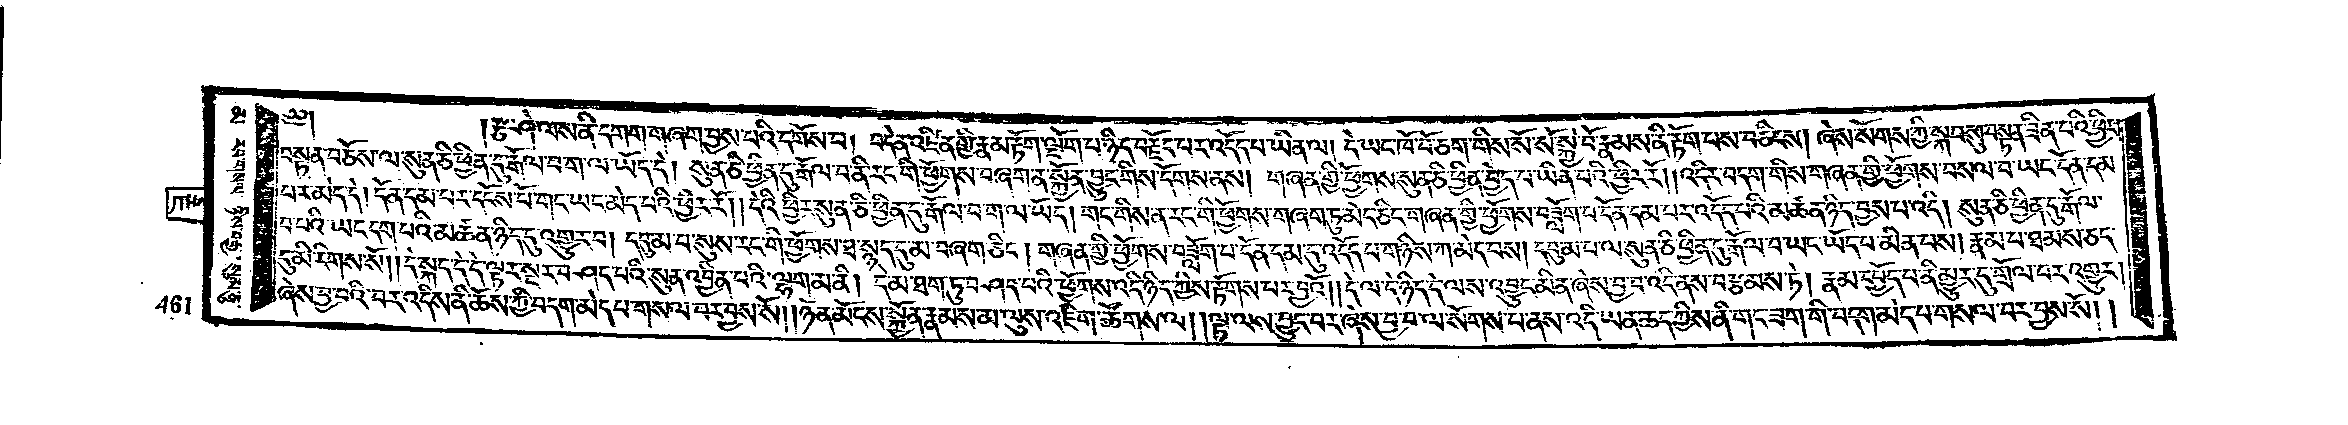༄༅། །རྩ་ཤེ་ལས་ནི་དགག་གཞག་བྱས་པའི་དགོས་པ། བདེན་འཛིན་གྱི་རྣམ་རྟོག་ལྡོག་པ་ཉིད་བརྗོད་པར་འདོད་པ་ཡིན་ལ། དེ་ཡང་ཁོ་བོ་ཅག་གིས་སོ་སོ་སྐྱེ་བོ་རྣམས་ནི་རྟོག་པས་བཅིངས། ཞེས་སོགས་ཀྱི་སྐབས་སུ་བསྟན་ཟིན་པའི་ཕྱིར།
བསྟན་བཅོས་ལ་སུན་ཅི་ཕྱིན་དུ་རྒོལ་བ་ག་ལ་ཡོད་དེ། སུན་ཅི་ཕྱིན་དུ་རྒོལ་བ་ནི་རང་གི་ཕྱོགས་བཞག་ན་སྐྱོན་བྱུང་གིས་དོགས་ནས། གཞན་གྱི་ཕྱོགས་སུན་ཅི་ཕྱིན་བྱེད་པ་ཡིན་པའི་ཕྱིར་རོ། །འདིར་བདག་གིས་གཞན་གྱི་ཕྱོགས་བསལ་བ་ཡང་དོན་དམ་
པར་མེད་དེ། དོན་དམ་པར་དངོས་པོ་གང་ཡང་མེད་པའི་ཕྱིར་རོ། །དེའི་ཕྱིར་སུན་ཅི་ཕྱིན་དུ་རྒོལ་བ་ག་ལ་ཡོད། གང་གིས་ན་རང་གི་ཕྱོགས་གཞག་ཏུ་མེད་ཅིང་གཞན་གྱི་ཕྱོགས་བཟློག་པ་དོན་དམ་པར་འདོད་པའི་མཚན་ཉིད་བྱས་པ་འདི། སུན་ཅི་ཕྱིན་དུ་རྒོལ་
བ་པའི་ཡང་དག་པའི་མཚན་ཉིད་དུ་འགྱུར་བ། དབུ་མ་པ་སུས་རང་གི་ཕྱོགས་ཐ་སྙད་དུ་མ་བཞག་ཅིང་། གཞན་གྱི་ཕྱོགས་བཟློག་པ་དོན་དམ་དུ་འདོད་པ་གཉིས་ཀ་མེད་པས། དབུ་མ་པ་ལ་སུན་ཅི་ཕྱིན་དུ་རྒོལ་བ་ཡང་ཡོད་པ་མིན་པས། རྣམ་པ་ཐམས་ཅད་
དུ་མི་རིགས་སོ། །དེ་སྐད་དེ་དེ་ལྟར་སྔར་བཤད་པའི་སུན་འབྱིན་པའི་ལྷག་མ་ནི། དེ་མ་ཐག་ཏུ་བཤད་པའི་ཕྱོགས་འདི་ཉིད་ཀྱིས་རྟོགས་པར་བྱའོ། །དེ་ལ་དེ་ཉིད་དེ་ལས་འབྱུང་མིན་ཞེས་བྱ་བ་འདི་ནས་བརྩམས་ཏེ། རྣམ་དཔྱོད་པ་ནི་མྱུར་དུ་གྲོལ་བར་འགྱུར།
ཞེས་བྱ་བའི་བར་འདིས་ནི་ཆོས་ཀྱི་བདག་མེད་པ་གསལ་བར་བྱས་སོ། །ཉོན་མོངས་སྐྱོན་རྣམས་མ་ལུས་འཇིག་ཚོགས་ལ། །ལྟ་ལས་བྱུང་བར་ཞེས་བྱ་བ་ལ་སོགས་པ་ནས་འདི་ཡན་ཆད་ཀྱིས་ནི་གང་ཟག་གི་བདག་མེད་པ་གསལ་བར་བྱས་སོ།། ༈ །།